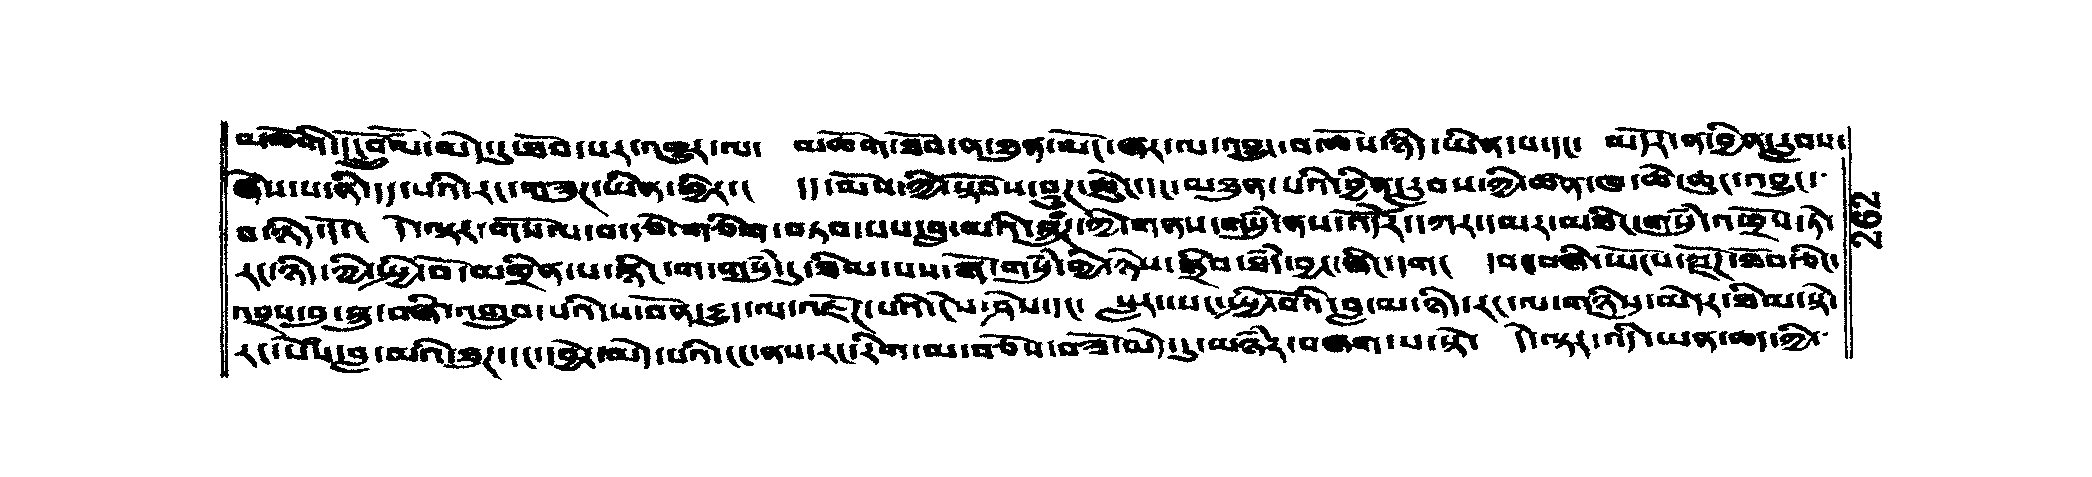མཆོག་གི་དངོས་གྲུབ་རྩོལ་མེད་དུ་ཐོབ་པར་འགྱུར་ལ། མཆོག་ཐོབ་ན་ཐུན་མོང་ཞར་ལ་འབྱུང་བ་ཆོས་ཉིད་ཡིན་པ་དང་། མདོར་ན་བྱིན་རླབས་
ཞེས་པ་ནི་དད་པའི་རང་གཟུགས་ཡིན་ཕྱིར། དད་མོས་ཀྱི་སྟོབས་ཐུགས་ཆེ་ཆུང་དང་མཐུན་པའི་བྱིན་རླབས་ཀྱི་ཚན་ཁ་ཆེ་ཆུང་འབྱུང་
བ་ཉིད་དོ། དེ་ལྟར་གསོལ་བ་རྩེ་གཅིག་གཏབ་པས་བླ་མའི་སྐུ་གསུང་ཐུགས་ཀྱི་གནས་གསུམ་ནས་འོད་ཟེར་དཀར་དམར་མཐིང་གསུམ་འཕྲོས་ཏེ་
རང་ཉིད་ཀྱི་སྤྱི་བོ་མགྲིན་པ་སྙིང་ག་གསུམ་དུ་ཐིམ་པས་སྒོ་གསུམ་གྱི་ཉེས་སྒྲིབ་ཐམས་ཅད་བྱང་ཞིང་དག དབང་བཞི་ཡོངས་རྫོགས་ཐོབ་ཅིང་
འབྲས་བུ་སྐུ་བཞི་འགྲུབ་པའི་ས་བོན་རྒྱུད་ལ་འཇོག་པའི་ངེས་ཤེས་དང་། སླར་ཡང་སྤྱི་བོའི་བླ་མ་ཉིད་རང་ལ་གཉིས་སུ་མེད་པར་ཐིམ་སྟེ་
རང་སེམས་བླ་མའི་ཐུགས་དང་དབྱེར་མེད་པའི་ངང་ནས་རང་རིག་མ་བཅོས་བཟོ་མེད་དུ་མཉམ་པར་བཞག་པ་སྟེ། དེ་ལྟར་འདི་ཡན་ཆད་ཀྱི་